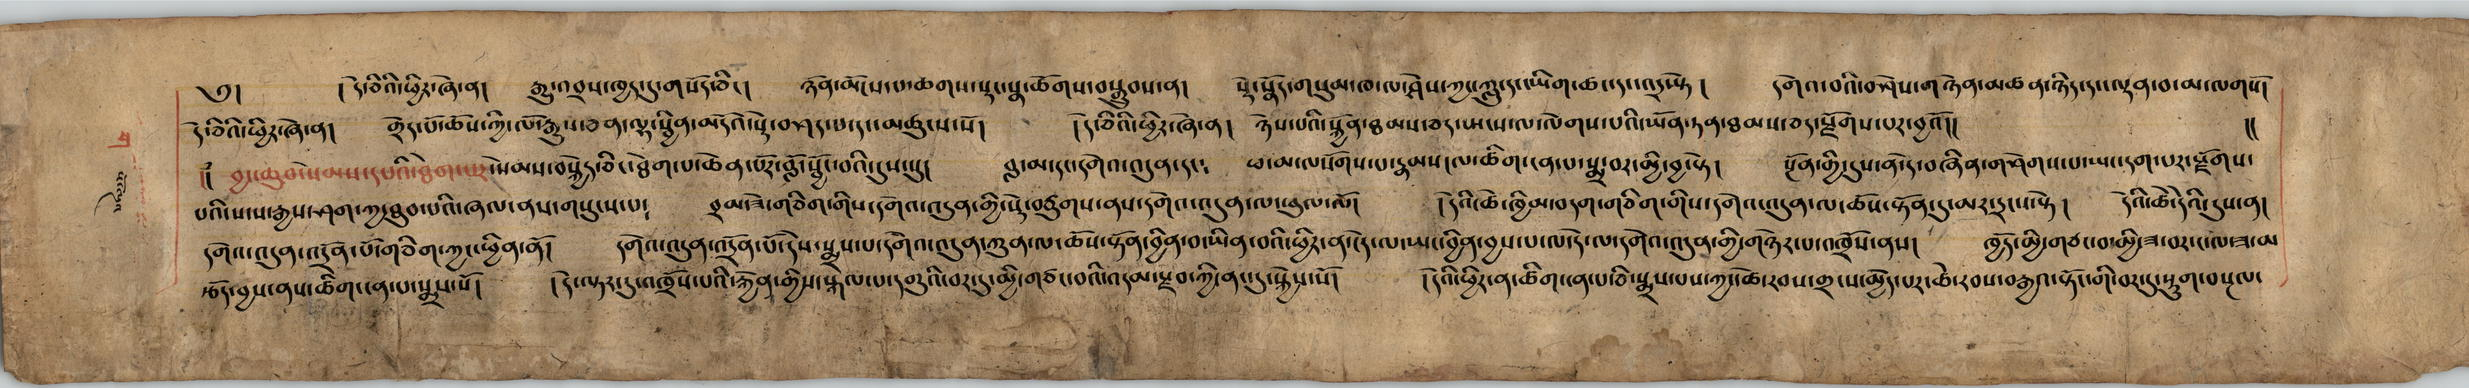༅། ། དེ་ཅིའི་ཕྱིར་ཞེ་ན། རྒྱུ་འབྲས་ཁྱད་དུ་གསོད་ཅིང། ཉོན་མོངས་པ་ཆགས་སྡང་སྣ་ཚོགས་བསྒྲུབས་ན། སྡེ་སྣོད་གསུམ་ཁ་ལ་ཤེས་ཀྱང་ཀླུ་དང་ཡིག་ཚང་དང་འདྲ་སྟེ། དགེའ་བའི་བཤེས་གཉེན་མཚན་ཉིད་དང་ལྡན་བ་མ་ལགསོ།
དེ་ཅིའི་ཕྱིར་ཞེ་ན། གྲོད་པོ་ཆོས་ཀྱི་ལོ་རྒྱུས་ཅན་ལྷ་སྦྱིན་མདོའ་སྡེ་བཤད་པ་དང་མཚུངས་སོ། །དེ་ཅིའི་ཕྱིར་ཞེ་ན། ཉེས་པའི་སྐྱོན་ཐམས་ཅད་ཡངས་ལ་ལེགས་པའི་ཡོན་ཏན་ཐམས་ཅད་སྫོགས་པར་བྱའོ།།
།། བྱང་ཆུབ་སེམས་དཔའི་ཐེག་པར་སེམས་བསྐྱེད་ཅིང་ཐེག་པ་ཆེན་པོར་བློ་སྦྱོང་བའི་དུས་སུ། བླ་མ་དང་དགེའ་འདུན་དང༴ ཕ་མ་ལསོགས་པ་རྣམས་ལ་ཚཱིག་ངན་པ་སྨྲ་བར་མྱི་བྱ་སྟེ། སྔོན་གྱི་དུས་ན་དེ་བཞིན་གཤེགས་པ་ཡང་དག་པར་སྫོགས་
པའི་སངས་རྒྱས་ཤག་ཀྱ་ཐུབ་པའི་ཞལ་ནས་གསུངས་པ༴ བྲམ་ཟེ་གཅིག་གིས་དགེའ་འདུན་གྱི་སྡེ་བཙུགས་ནས་དགེ་འདུན་ལ་ཕུལ་ལོ། །དེའི་ཚེ་ཁྱིམ་བདག་གིས་དགེའ་འདུན་ལ་ཆོས་སྟོན་དུ་མར་དྲངས་སྟེ། དེའི་ཚེ་དེའི་དུས་ན།
དགེའ་འདུན་འདྲོན་པོ་གཅིག་ཀྱང་ཕྱིན་ནོ། དགེ་འདུན་འདྲོན་པོ་དེས་སྨྲས་པ་དགེ་འདུན་ཀུན་ལ་ཆོས་སྟོན་བྱིན་བ་ཡིན་བའི་ཕྱིར་ན་དེ་ལ་ཡང་བྱིན་བྱས་པ་ལ་དེ་ལ་དགེའ་འདུན་གྱི་གཉེར་པ་འཁྲོས་ནས། ཁྱོད་མྱི་གཙང་བ་མྱི་ཟ་བར་ང་ལ་ཟ་མ
རྩོད་བྱས་ནས་ཚིག་ངན་པ་སྨྲས་སོ། །དེ་ལྟར་དུ་འཁྲོས་པའི་རྐྱེན་གྱིས་སྐལ་པ་དགུའི་བར་དུ་མྱི་གཙང་བའི་འདམ་སྫབ་ཀྱི་ནང་དུ་སྐྱེས་སོ། །དེའི་ཕྱིར་ན་ཚིག་ངན་པ་ཅི་སྨྲས་པས་ཀྱང་ཚེ་རབས་གྲངས་མྱེད་པར་ཚེ་རབས་བརྒྱའ་སྟོང་གི་བར་དུ་སྡུག་བསྔལ་